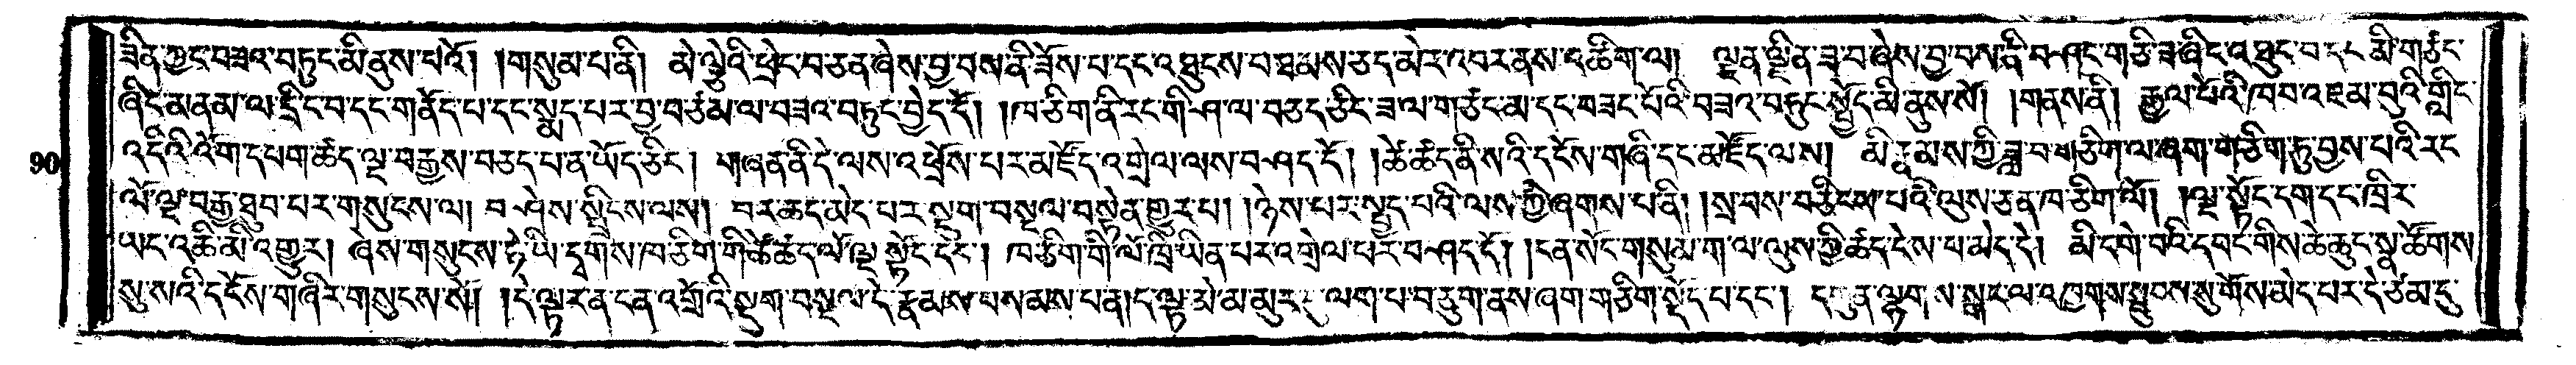ཟིན་ཀྱང་བཟའ་བཏུང་མི་ནུས་པའོ། །གསུམ་པ་ནི། མེ་ལྕེའི་ཕྲེང་བ་ཅན་ཞེས་བྱ་བས་ནི་ཟོས་པ་དང་འཐུངས་པ་ཐམས་ཅད་མེར་འབར་ནས་འཚིག་ལ། ལྡན་ལྗིན་ཟ་བ་ཞེས་བྱ་བས་ནི་བཤང་གཅི་ཟ་ཞིང་འཐུང་བ་དང་མི་གཙང་
ཞིང་མནམ་ལ་དྲིང་བ་དང་གནོད་པ་དང་སྨད་པར་བྱ་བ་ཙམ་ལ་བཟའ་བཏུང་བྱེད་དོ། །ཁ་ཅིག་ནི་རང་གི་ཤ་ལ་བཅད་ཅིང་ཟ་ལ་གཙང་མ་དང་བཟང་པོའི་བཟའ་བཏུང་སྦྱོད་མི་ནུས་སོ། །གནས་ནི། རྒྱལ་པོའི་ཁབ་འཇམ་བུའི་གླིང་
འདིའི་འོག་དཔག་ཚད་ལྔ་བརྒྱས་བཅད་པ་ན་ཡོད་ཅིང་། གཞན་ནི་དེ་ལས་འཕྲོས་པར་མཛོད་འགྲེལ་ལས་བཤད་དོ། །ཚེ་ཚད་ནི་སའི་དངོས་གཞི་དང་མཛོད་ལས། མི་རྣམས་ཀྱི་ཟླ་བ་གཅིག་ལ་ཞག་གཅིག་ཏུ་བྱས་པའི་རང་
ལོ་ལྔ་བརྒྱ་ཐུབ་པར་གསུངས་ལ། བཤེས་སྤྲིངས་ལས། བར་ཆད་མེད་པར་སྡུག་བསྔལ་བསྟེན་གྱུར་པ། །ཉེས་པར་སྤྱད་པའི་ལས་ཀྱི་ཞགས་པ་ནི། །སྲ་བས་བཅིངས་པའི་ལུས་ཅན་ཁ་ཅིག་ལོ། །ལྔ་སྟོང་དག་དང་ཁྲིར་
ཡང་འཆི་མི་འགྱུར། ཞེས་གསུངས་ཏེ་ཡེ་དྭགས་ཁ་ཅིག་གི་ཚེ་ཚད་ལོ་ལྔ་སྟོང་དང་། ཁ་ཅིག་གི་ལོ་ཁྲི་ཡིན་པར་འགྲེལ་པར་བཤད་དོ། །ངན་སོང་གསུམ་ག་ལ་ལུས་ཀྱི་ཚད་དེས་པ་མེད་དེ། མི་དགེ་བའི་དབང་གིས་ཆེ་ཆུང་སྣ་ཚོགས་
སུ་སའི་དངོས་གཞིར་གསུངས་སོ། །དེ་ལྟར་ན་ངན་འགྲོའི་སྡུག་བསྔལ་དེ་རྣམས་པས་མས་པ་ན། ད་ལྟ་མེ་མ་མུར་དུ་ལག་པ་བ་ཅུག་ནས་ཞག་གཅིག་སྡོད་པ་དང་། དགུན་ལྷགས་སྒང་ལ་འཁྱགས་སྦུབས་སུ་གོས་མེད་པར་དེ་ཙམ་དུ་